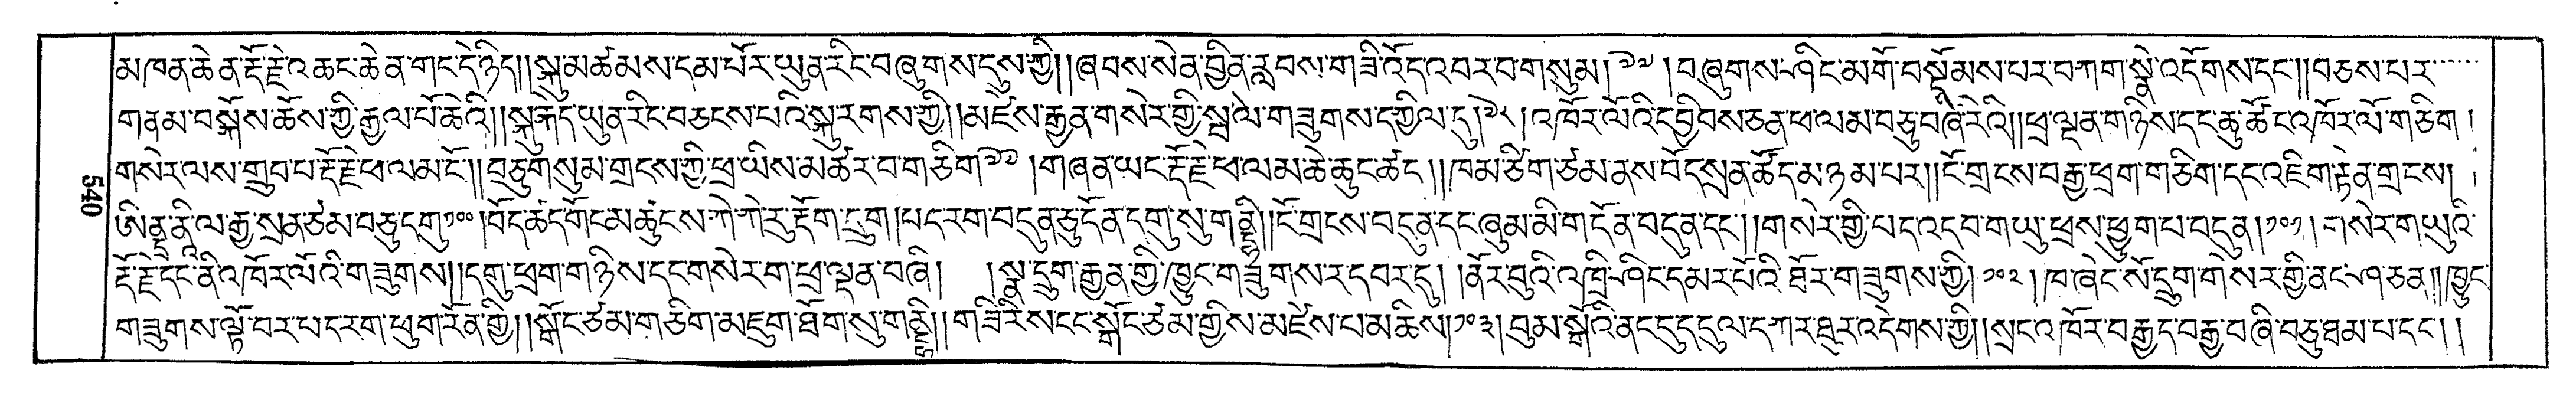མཁན་ཆེན་རྡོ་རྗེ་འཆང་ཆེན་གང་དེ་ཉིད། །སྐུ་མཚམས་དམ་པོར་ཡུན་རིང་བཞུགས་དུས་ཀྱི། །ཞབས་སེན་བྱིན་རླབས་གཟི་འོད་འབར་བ་གསུམ། ༧༧་།བཞུགས་ཤིང་མགོ་བསྡོམས་པར་བཀག་སྣེ་འདོགས་དང་། །བཅས་པར་
གནམ་བསྐོས་ཆོས་ཀྱི་རྒྱལ་པོ་ཆེའི། །སྐུ་རྐེད་ཡུན་རིང་བཅངས་པའི་སྐུ་རགས་ཀྱི། །མཛེས་རྒྱན་གསེར་གྱི་སྦ་ལེ་གཟུགས་དཀྱིལ་དུ། ༧༨་།འཁོར་ལོའི་དབྱིབས་ཅན་ཕ་ལམ་བཅུ་བཞི་རེའི། །ཕྲ་ལྡན་གཉིས་དང་ཆུ་ཚོང་འཁོར་ལོ་གཅིག །
གསེར་ལས་གྲུབ་པ་རྡོ་རྗེ་ཕ་ལམ་ངོ། །བཅུ་གསུམ་གྲངས་ཀྱི་ཕྲ་ཡིས་མཚར་བ་གཅིག ༧༧་།གཞན་ཡང་རྡོ་རྗེ་ཕ་ལམ་ཆེ་ཆུང་ཚད། །ཁམ་ཙིག་ཙམ་ནས་བོད་སྲན་ཚོད་མཉམ་བར། །ངོ་གྲངས་བརྒྱ་ཕྲག་གཅིག་དང་འཇིག་རྟེན་གྲངས། །
ཨིནྡྲ་ནཱི་ལ་རྒྱ་སྲན་ཙམ་བཅུ་དགུ ༡༠༠་།བོང་ཚད་གོང་མཚུངས་ཀེ་ཀེ་རུ་རྡོག་དྲུག། པད་རག་བདུན་ཅུ་དོན་དགུ་སུ་གནྡྷི། །ངོ་གྲངས་བདུན་དང་ཞུམ་མིག་དོན་བདུན་དང་། །གསེར་གྱི་པད་འདབ་གཡུ་ཕྲས་ཕྱུག་པ་བདུན། ༡༠༡་།གསེར་གཡུའི་
རྡོ་རྗེ་དང་ནི་འཁོར་ལོའི་གཟུགས། །དགུ་ཕྲག་གཉིས་དང་གསེར་ག་ཕྲ་ལྡན་བཞི། །སྣ་དྲུག་རྒྱན་གྱི་ཁྱུང་གཟུགས་ར་དབར་དུ། །ནོར་བུའི་འཁྲི་ཤིང་དམར་པོའི་ཕོར་གཟུགས་ཀྱི། ༡༠༢་།ཁ་ཞེང་སོ་དྲུག་གསེར་གྱི་ནང་ཤ་ཅན། །ཁྱུང་
གཟུགས་ལྟོ་བར་པད་རག་ཕུག་རོན་གྱི། །སྒོ་ང་ཙམ་གཅིག་མཇུག་ཐོག་སུ་གནྡྷི། །གཟི་རིས་དང་སྒོང་ཙམ་གྱིས་མཛེས་པ་མཆིས། ༡༠༣་།བུམ་སྒོའི་ནང་དུ་དངུལ་དཀར་ཐུར་འདེགས་ཀྱི། །སྲང་འཁོར་བརྒྱད་བརྒྱ་བཞི་བཅུ་ཐམ་པ་དང་། །